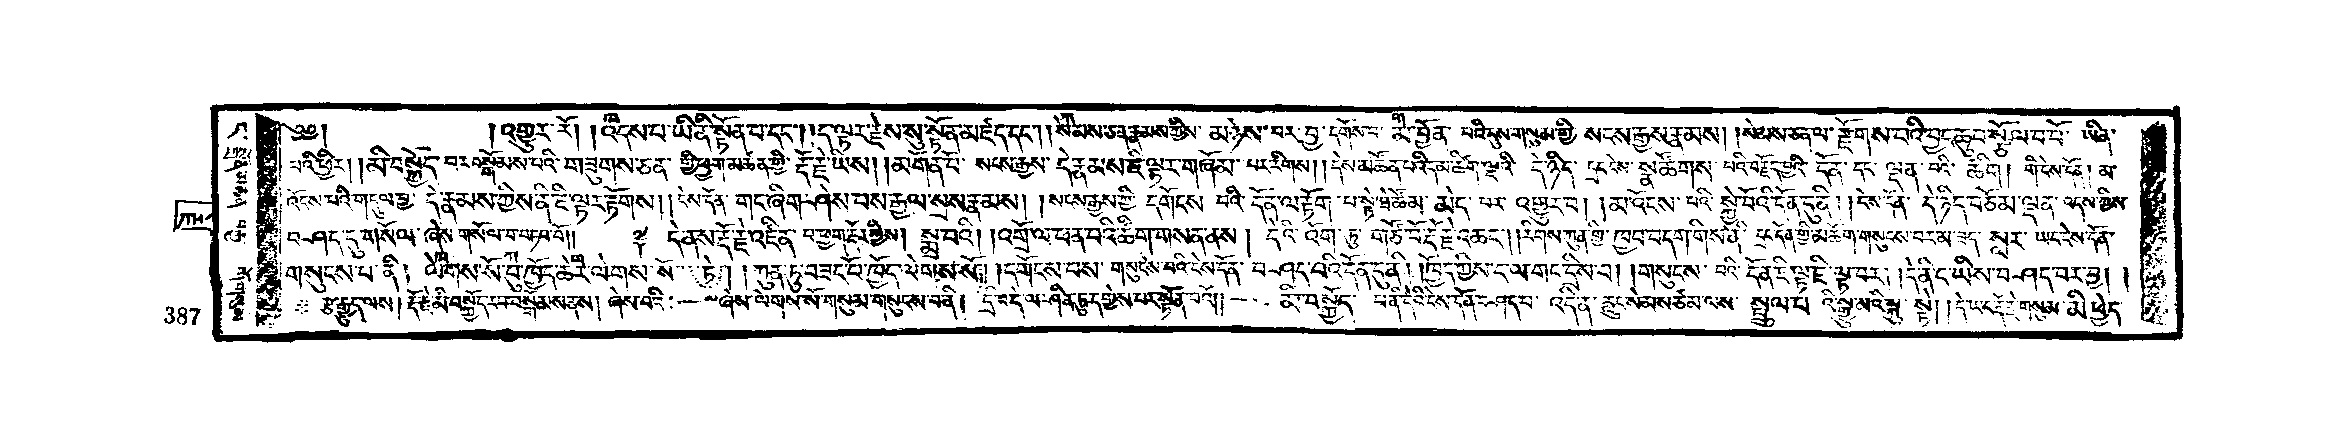༄༅། །འགྱུར་རོ། །ཀ་འདས་པ་ཡི་ནི་སྟོན་པ་དང་། །ད་ལྟར་རྗེས་སུ་སྟོན་མཛད་དང་། ། སེམས་ཅན་རྣམས་ཀྱིས་མཉེས་པར་བྱ་དགོས་པ་མ་བྱོན་པའི་དུས་གསུམ་གྱི་སངས་རྒྱས་རྣམས། ། སེམས་ཅན་ལ་རྫོགས་པའི་བྱང་ཆུབ་སྩོལ་བ་པོ་ཡིན་
པའི་ཕྱིར།  །མི་བསྐྱོད་པར་བསྒོམས་པའི་གཟུགས་ཅན་གྱི་ཕྱག་མཚན་གྱི་རྡོ་རྗེ་ཡིས། །མགོན་པོ་སངས་རྒྱས་དེ་རྣམས་ཇི་ལྟར་གཞོམ་པར་རིགས། །དེས་མཚོན་པའི་དམ་ཚིག་ལྔའི་དེ་ཉིད་དྲང་ངེས་སྣ་ཚོགས་པའི་བརྗོད་བྱའི་དོན་དང་ལྡན་པའི་ཚིག །གི་ངེས་དོན། མ་
འོངས་པའི་གདུལ་བྱ་དེ་རྣམས་ཀྱིས་ནི་ཇི་ལྟར་རྟོགས། །ངེས་དོན་གང་ཞིག་ཤེས་པས་རྒྱལ་སྲས་རྣམས། །སངས་རྒྱས་ཀྱི་དགོངས་པའི་དོན་ལ་རྟོག་པ་སྟེ་ཐེ་ཚོམ་མེད་པར་འགྱུར་བ། །མ་འོངས་པའི་སྐྱེ་བོའི་དོན་དུ་ནི། །ངེས་དོན་དེ་ཉིད་བཅོམ་ལྡན་འདས་ཀྱིས
བཤད་དུ་གསོལ་ཞེས་གསོལ་བ་བཏབ་བོ།།  ༈ དེ་ནས་རྡོ་རྗེ་འཛིན་པ་ཕྱག་རྡོར་གྱིས།  སྨྲ་བའི། །འགྲོ་ལ་ཕན་པའི་ཚིག་གསན་ནས། དེའི་འོག་ཏུ་གཙོ་བོ་རྡོ་རྗེ་འཆང་། ། རིགས་ཀུན་གྱི་ཁྱབ་བདག་གིས་ནི་དྲང་དོན་གྱི་མཆོག་གསུངས་པར་མ་ཟད་སླར་ཡང་ངེས་དོན
གསུངས་པ་ནི།  ཁ་ལེགས་སོ་ཀ་བུ་ཁྱོད་ཆེར་ག་ལེགས་སོ་ཏེ། །ཀུན་ཏུ་བཟང་པོ་ཁྱོད་ལེགས་སོ། །དགོངས་པས་གསུངས་པའི་ངེས་དོན་བཤད་པའི་དོན་དུ་ནི། །ཁྱོད་ཀྱིས་ང་ལ་གང་དྲིས་པ། །གསུངས་པའི་དོན་ཇི་ལྟ་ཇི་ལྟ་བར། །དེ་ནི་ང་ཡིས་བཤད་པར་བྱ། །
་༈ རྩ་རྒྱུད་ལས། རྡོ་རྗེ་མི་བསྐྱོད་རབ་བསྒོམས་ནས། ཞེས་པའི་H.་༧་ཞེས་ལེགས་སོ་གསུམ་གསུངས་པ་ནི། དྲི་བ་དེ་ལ་ཤིན་ཏུ་དགྱེས་པར་སྟོན་པའོ།།  མི་བསྐྱོད་པ་ནི་དེའི་ངེས་དོན་བཤད་པ་འདི་ན་རླུང་སེམས་ཙམ་ལས་སྤྲུལ་པའི་སྒྱུ་མའི་སྐུ་སྟེ། །དེ་ཡང་རྡོ་རྗེ་གསུམ་མི་ཕྱེད་